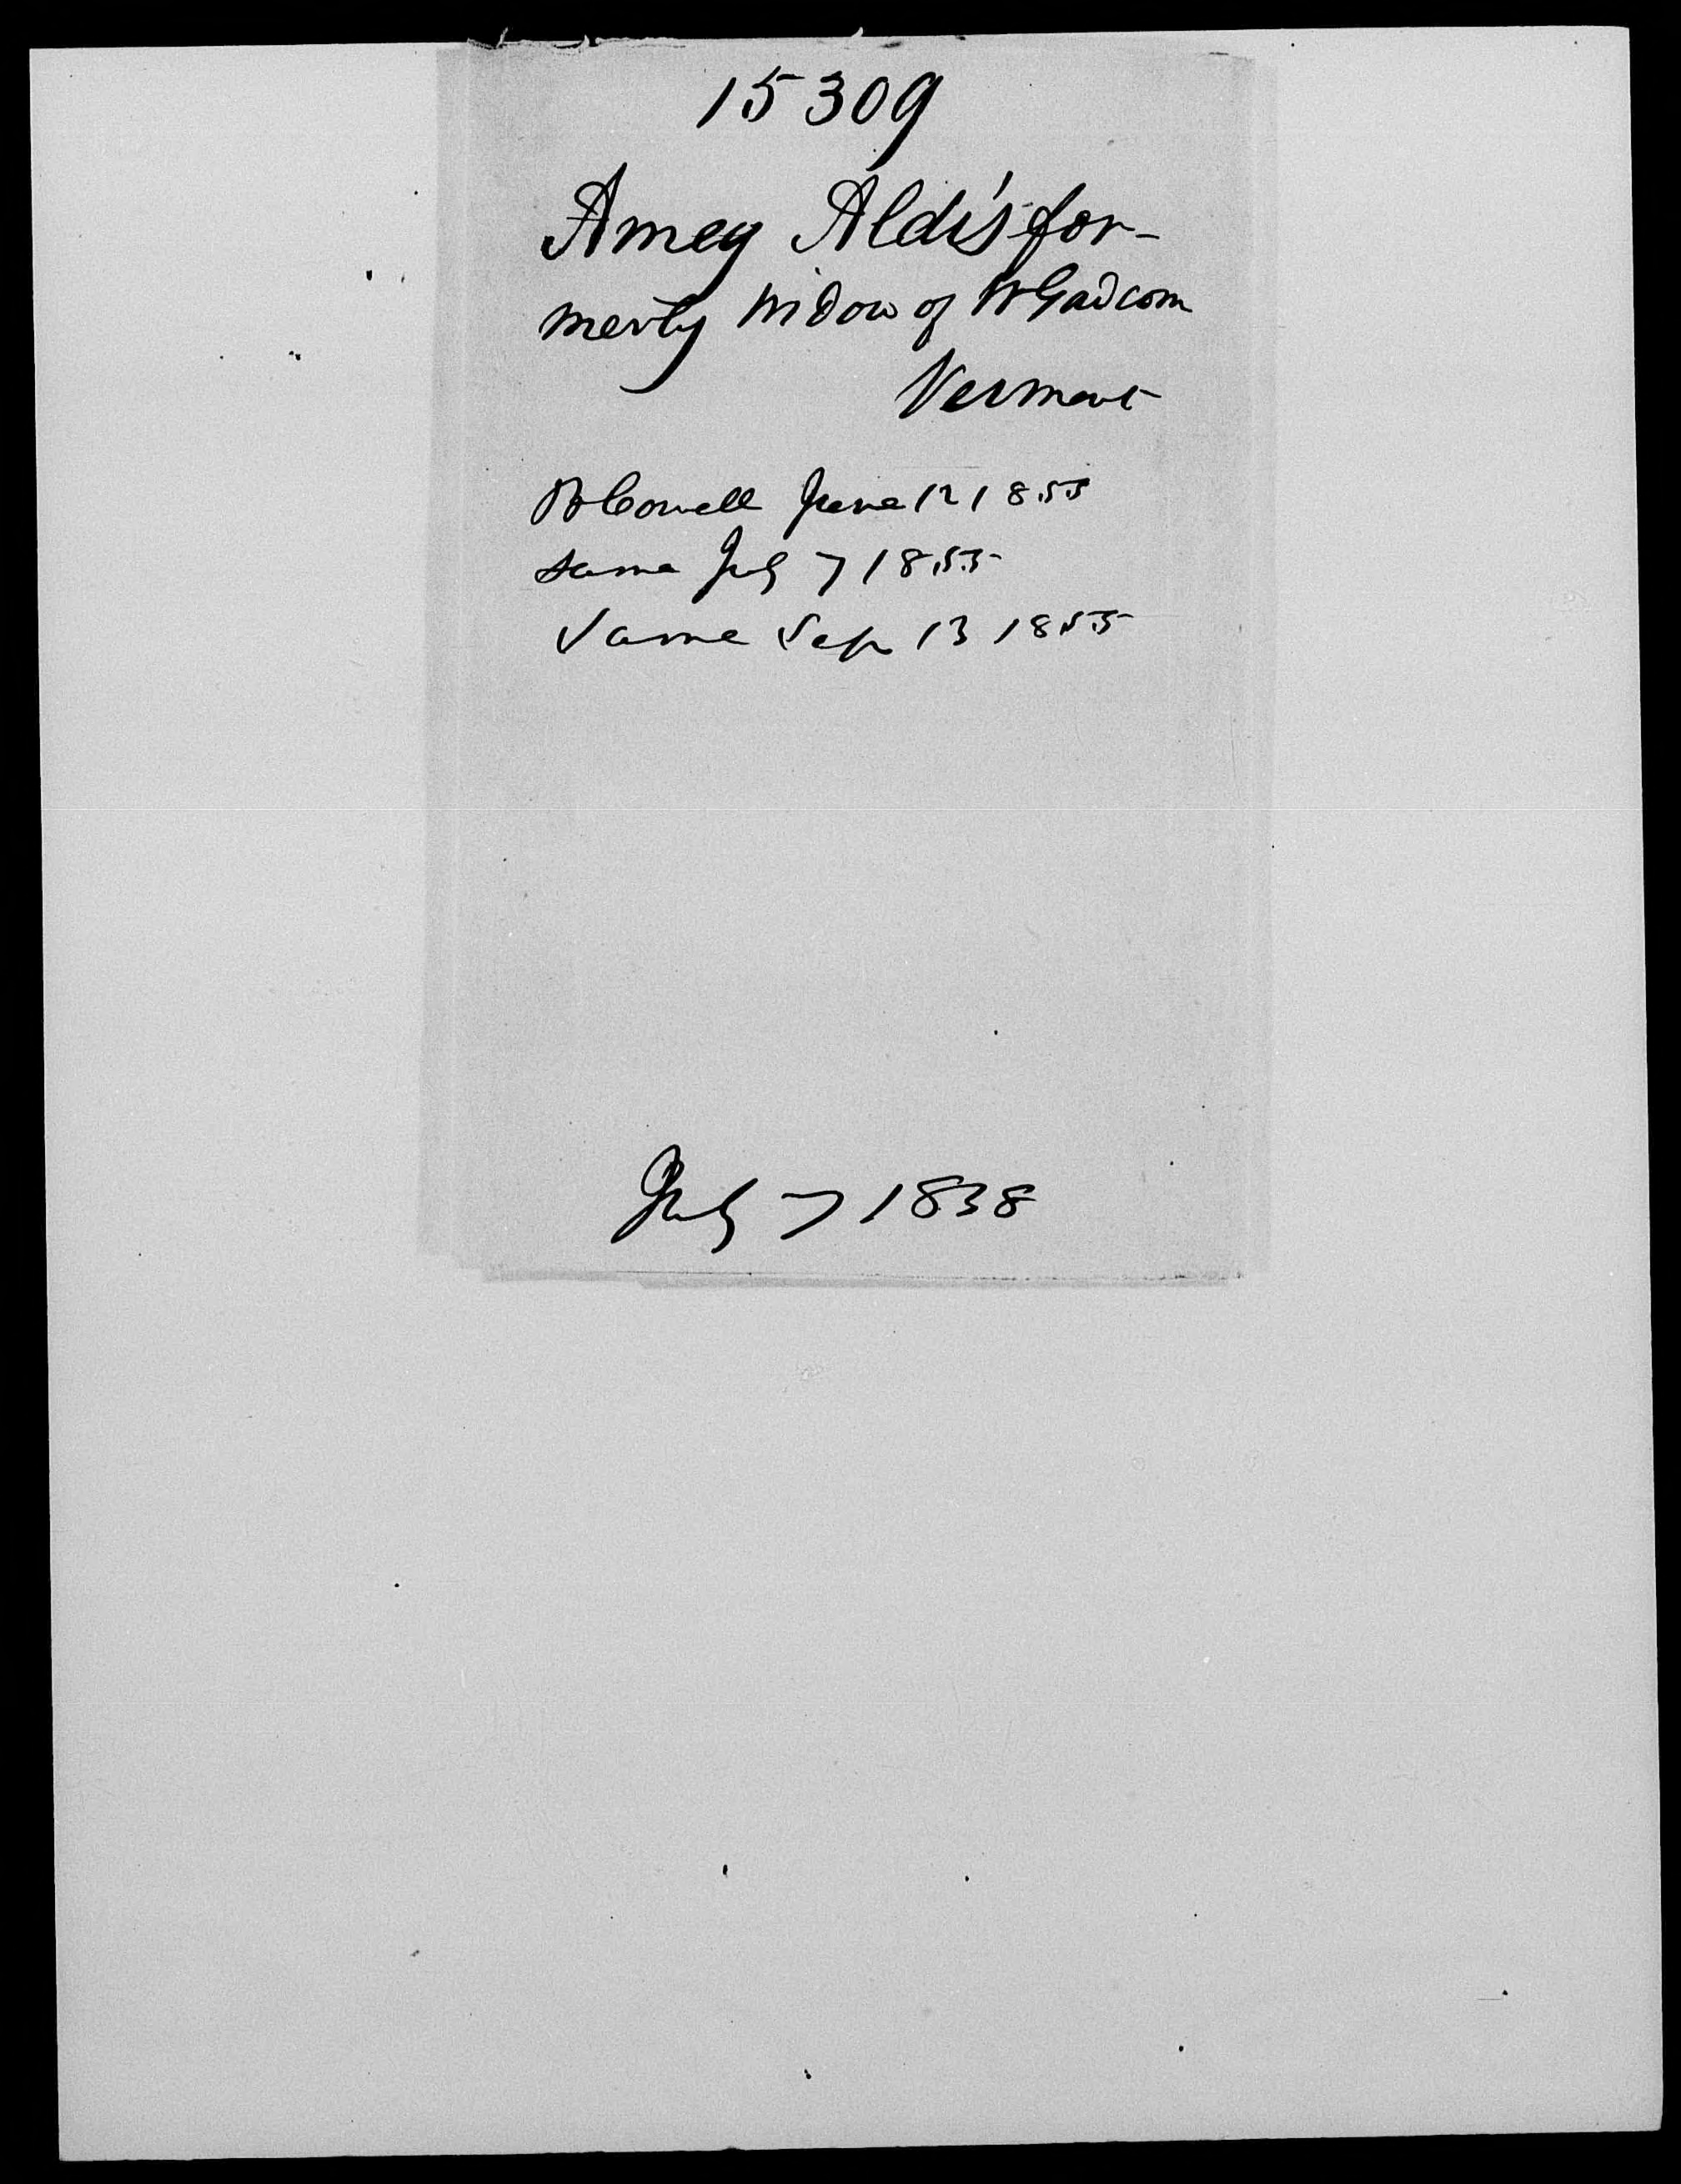15309

Amey Aldis formerly widow of W Gadcom
Vermont
B Cowell June 12, 1855
same Jul 7, 1855
same Sep 13, 1855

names: B Cowell, Amey Aldis, W Gadcom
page: 68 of 76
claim: widow's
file: W. 15,517, William Gadcomb, R.I.